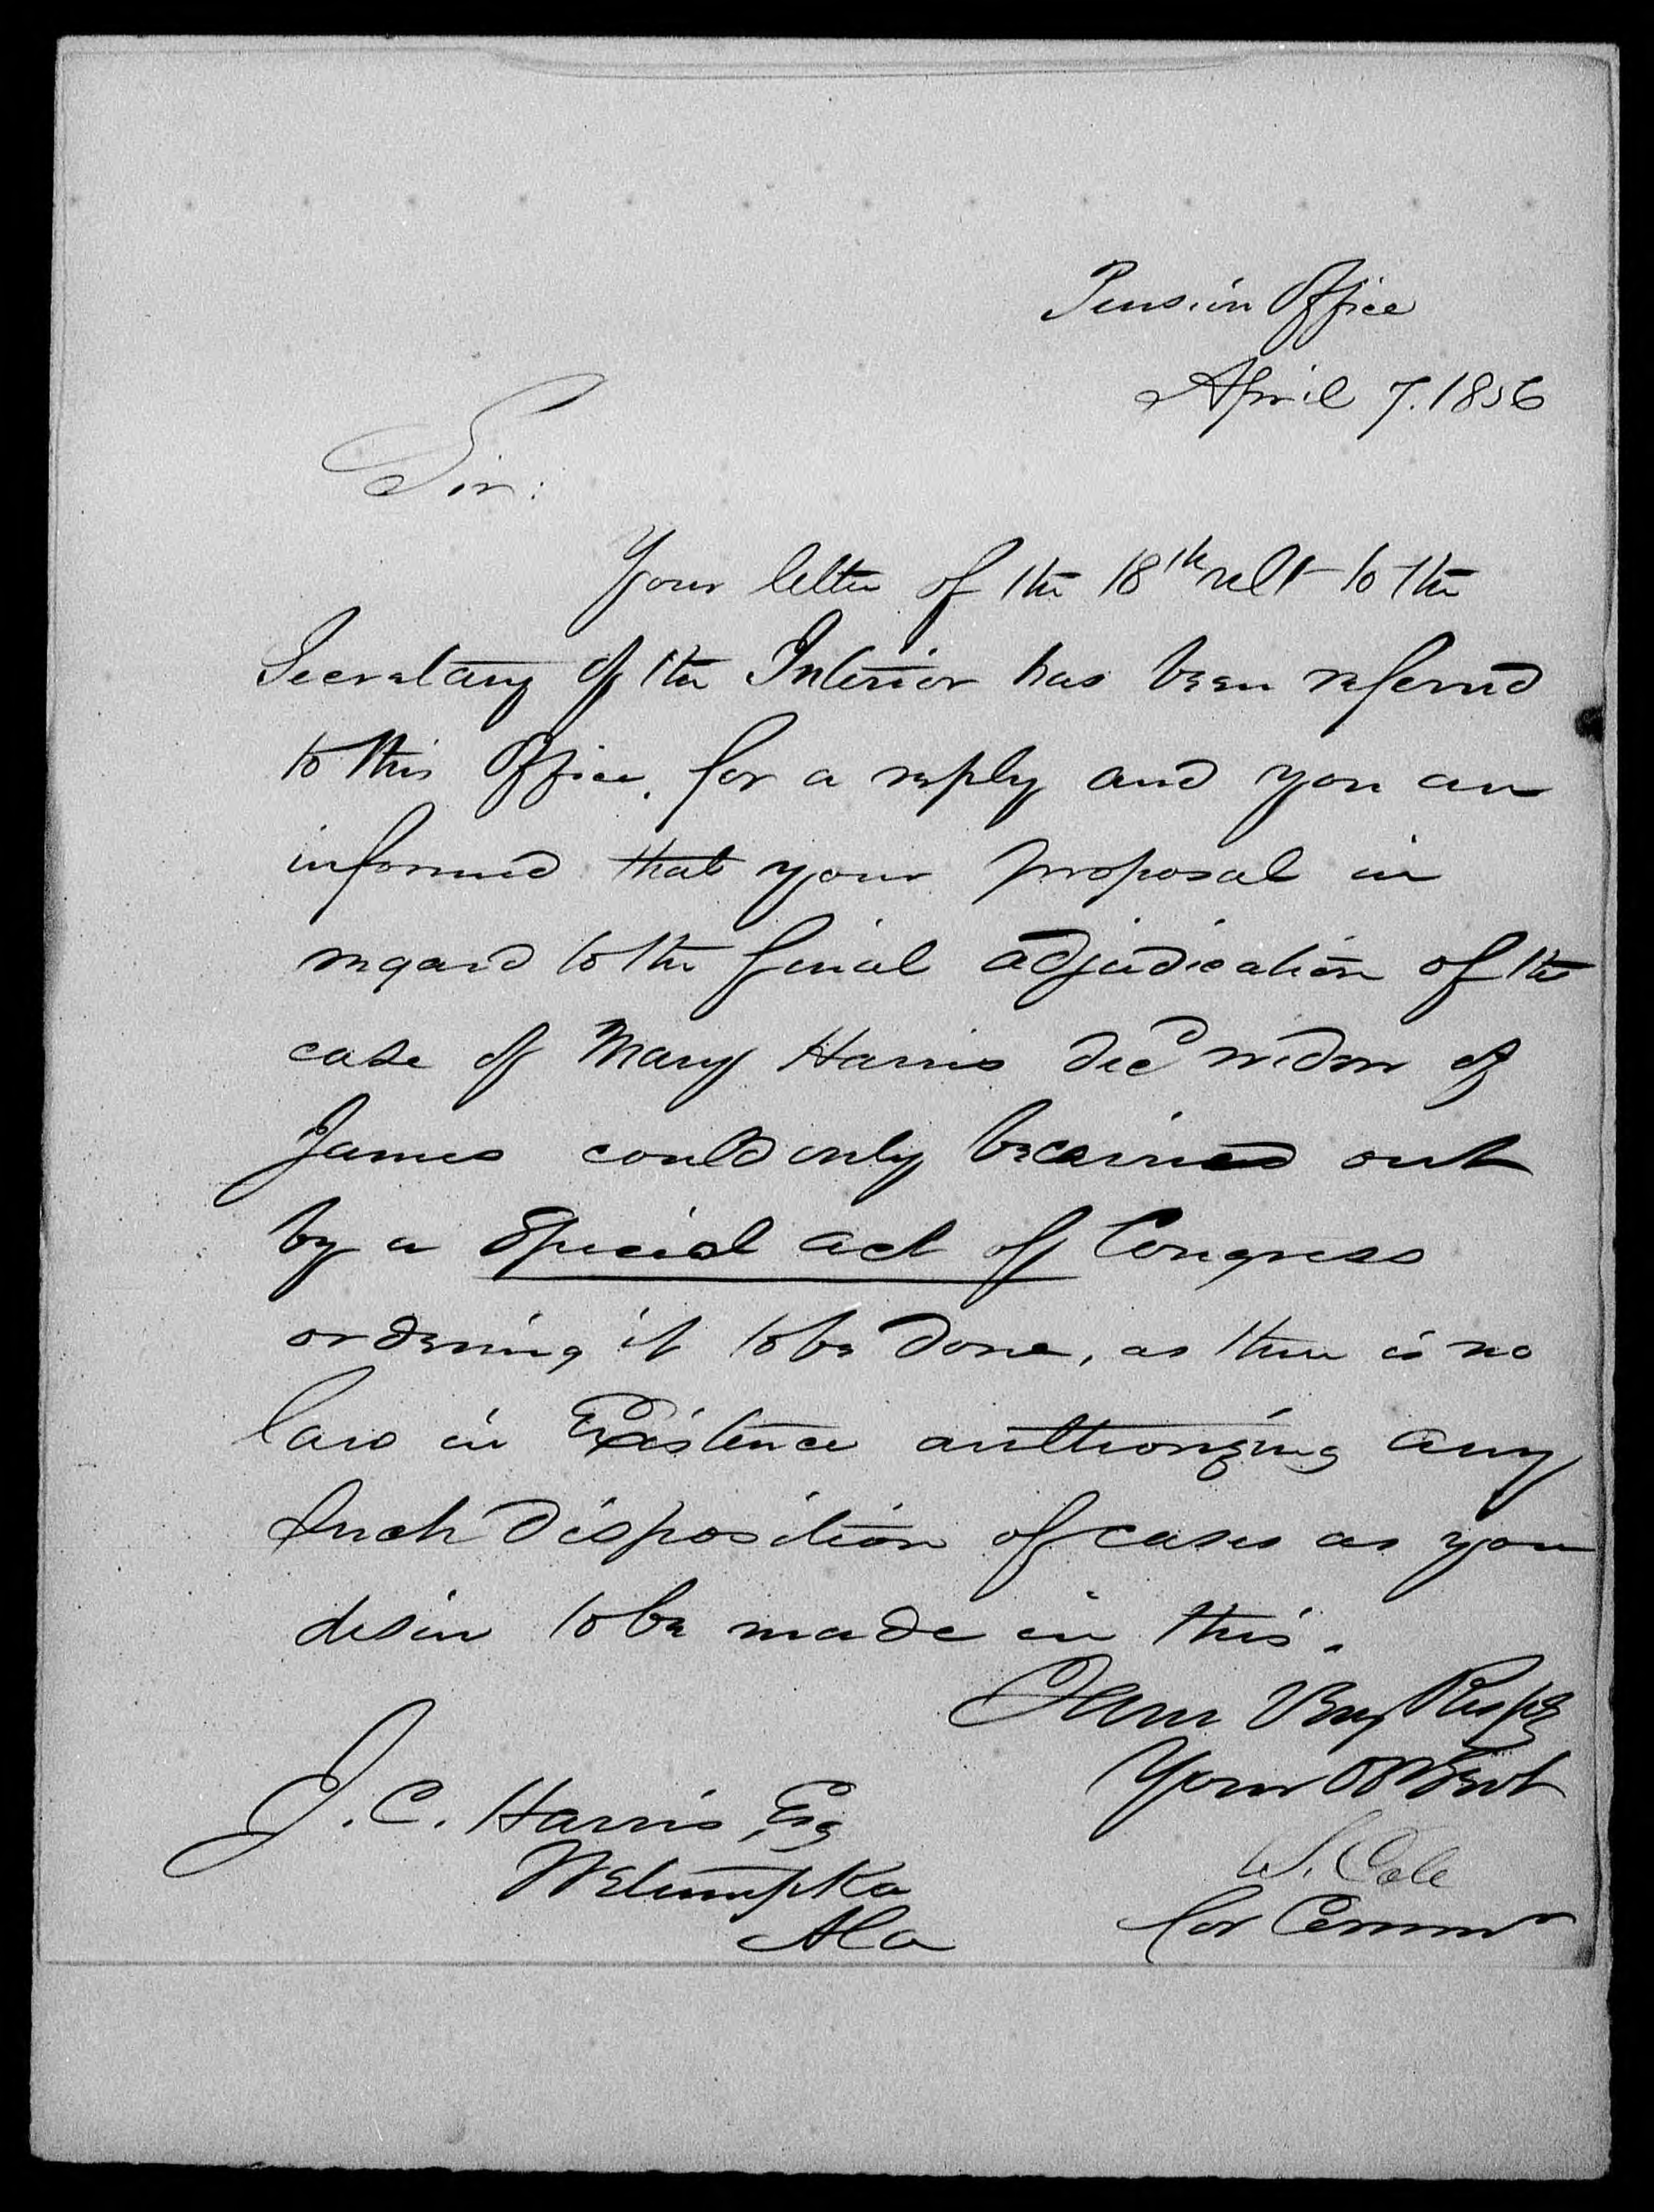Pension Office
April 7, 1856

Sir:
Your letter of the 18th ult to the Secretary of the Interior has been referred to this office for a reply and you are informed that your proposal in regard to the final adjudication of the case of Mary Harris decd widow of James could only be carried out by a Special Act of Congress ordering it to be done, as there is no law in Existence authorizing any such disposition of cases as you desire to be made in this.
I am very Resp
Your Obt Servt
S. Cole
for Commis

J. C. Harris, Esq
Wetumpka
Ala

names: S Cole, Mary Harris, J C Harris, James Harris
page: 45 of 160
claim: rejected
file: R. 4666, James Harris, Va.